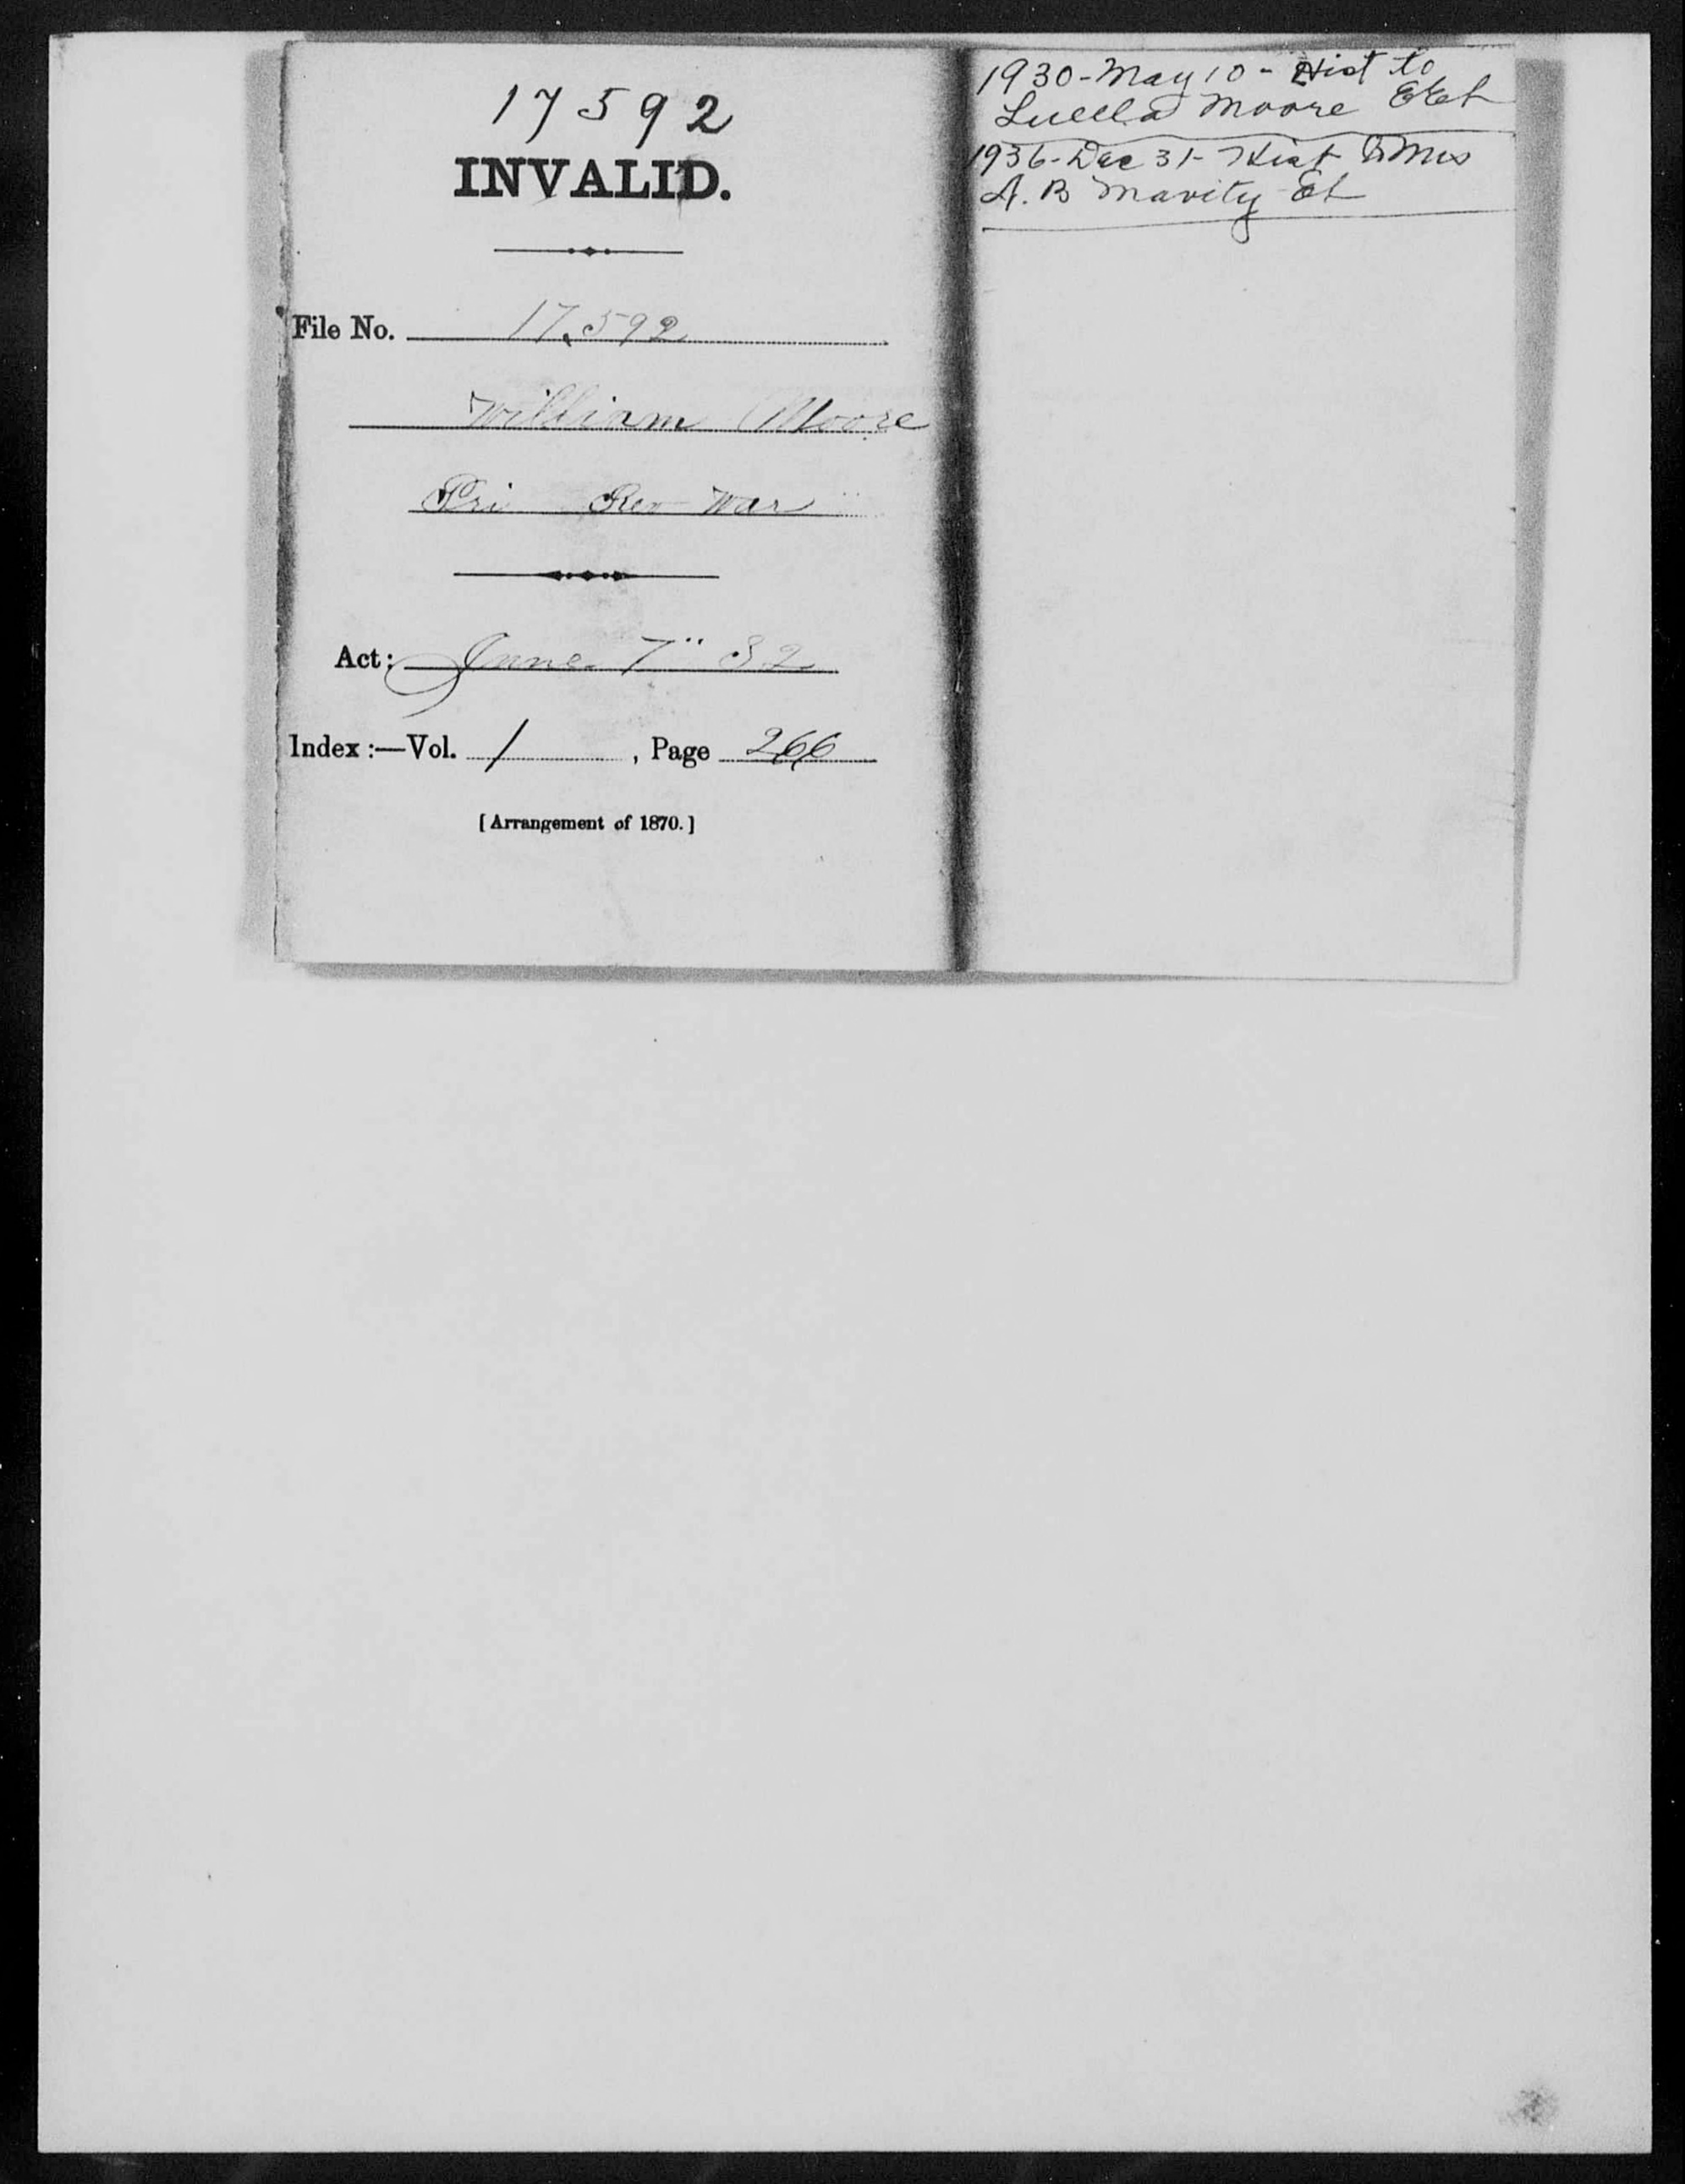(left panel)
17592
INVALID.
File No. 17592
William Moore
Pri Rev War

Act:  June 7 32
Index:- Vol. 1, Page 266
[Arrangement of 1870.]

(right panel)
1930-May 10-Hist to Luella Moore EEL
1936-Dec. 31- Hist to Mrs. A.B. Mavity EL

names: N B Mavity; Luella Moore; William Moore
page: 15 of 16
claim: survivor's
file: S. 17,592, for William Moore, North Carolina